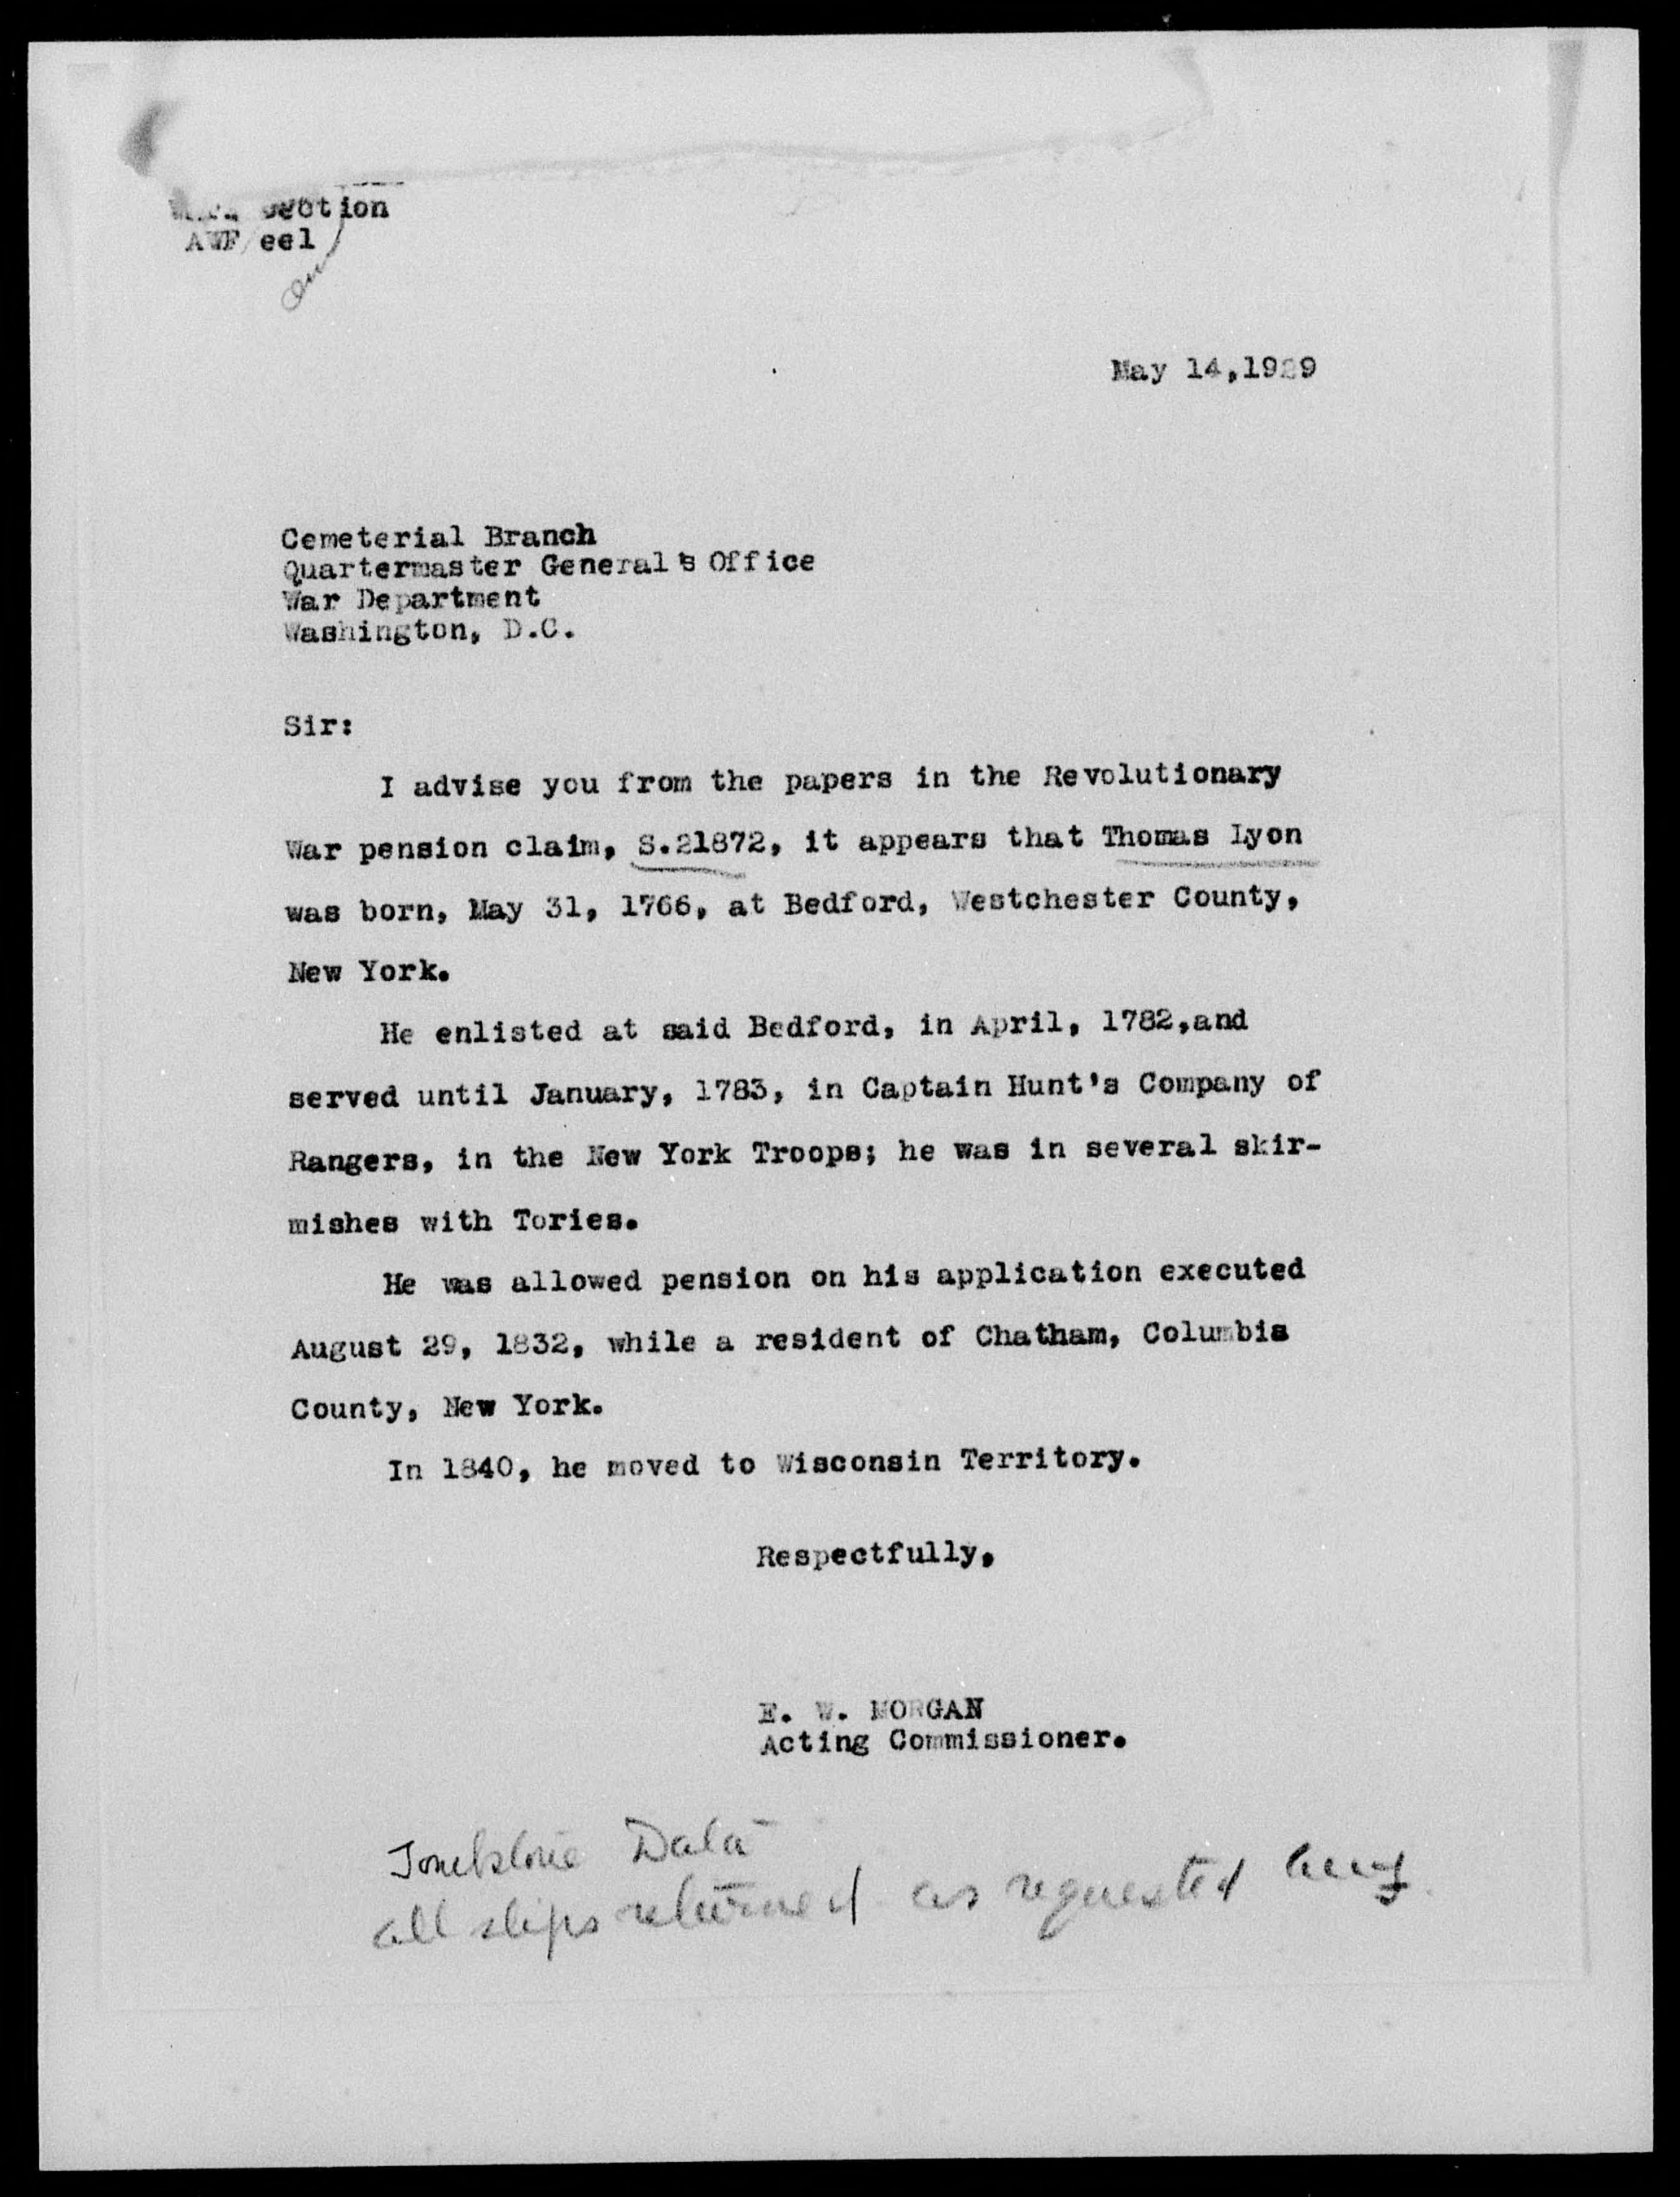War Section
AWF/eel

May 14, 1929

Cemeterial Branch
Quartermaster General's Office
War Department
Washington, D.C.

Sir:
I advise you from the papers in the Revolutionary War pension claim, S.21872, it appears that Thomas Lyon was born, May 31, 1766, at Bedford, Westchester County, New York.
He enlisted at said Bedford, in April, 1782, and served until January, 1783, in Captain Hunt's Company of Rangers, in the New York Troops; he was in several skirmishes with Tories.
He was allowed pension on his application executed August 29, 1832, while a resident of Chatham, Columbia County, New York.
In 1840, he moved to Wisconsin Territory.
Respectfully,
E. W. MORGAN
Acting Commissioner.

Joneklorie[?] Dala
all slips returned as requested Aug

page: 10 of 28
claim: survivor's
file: S. 21,872, for Thomas Lyon, New York